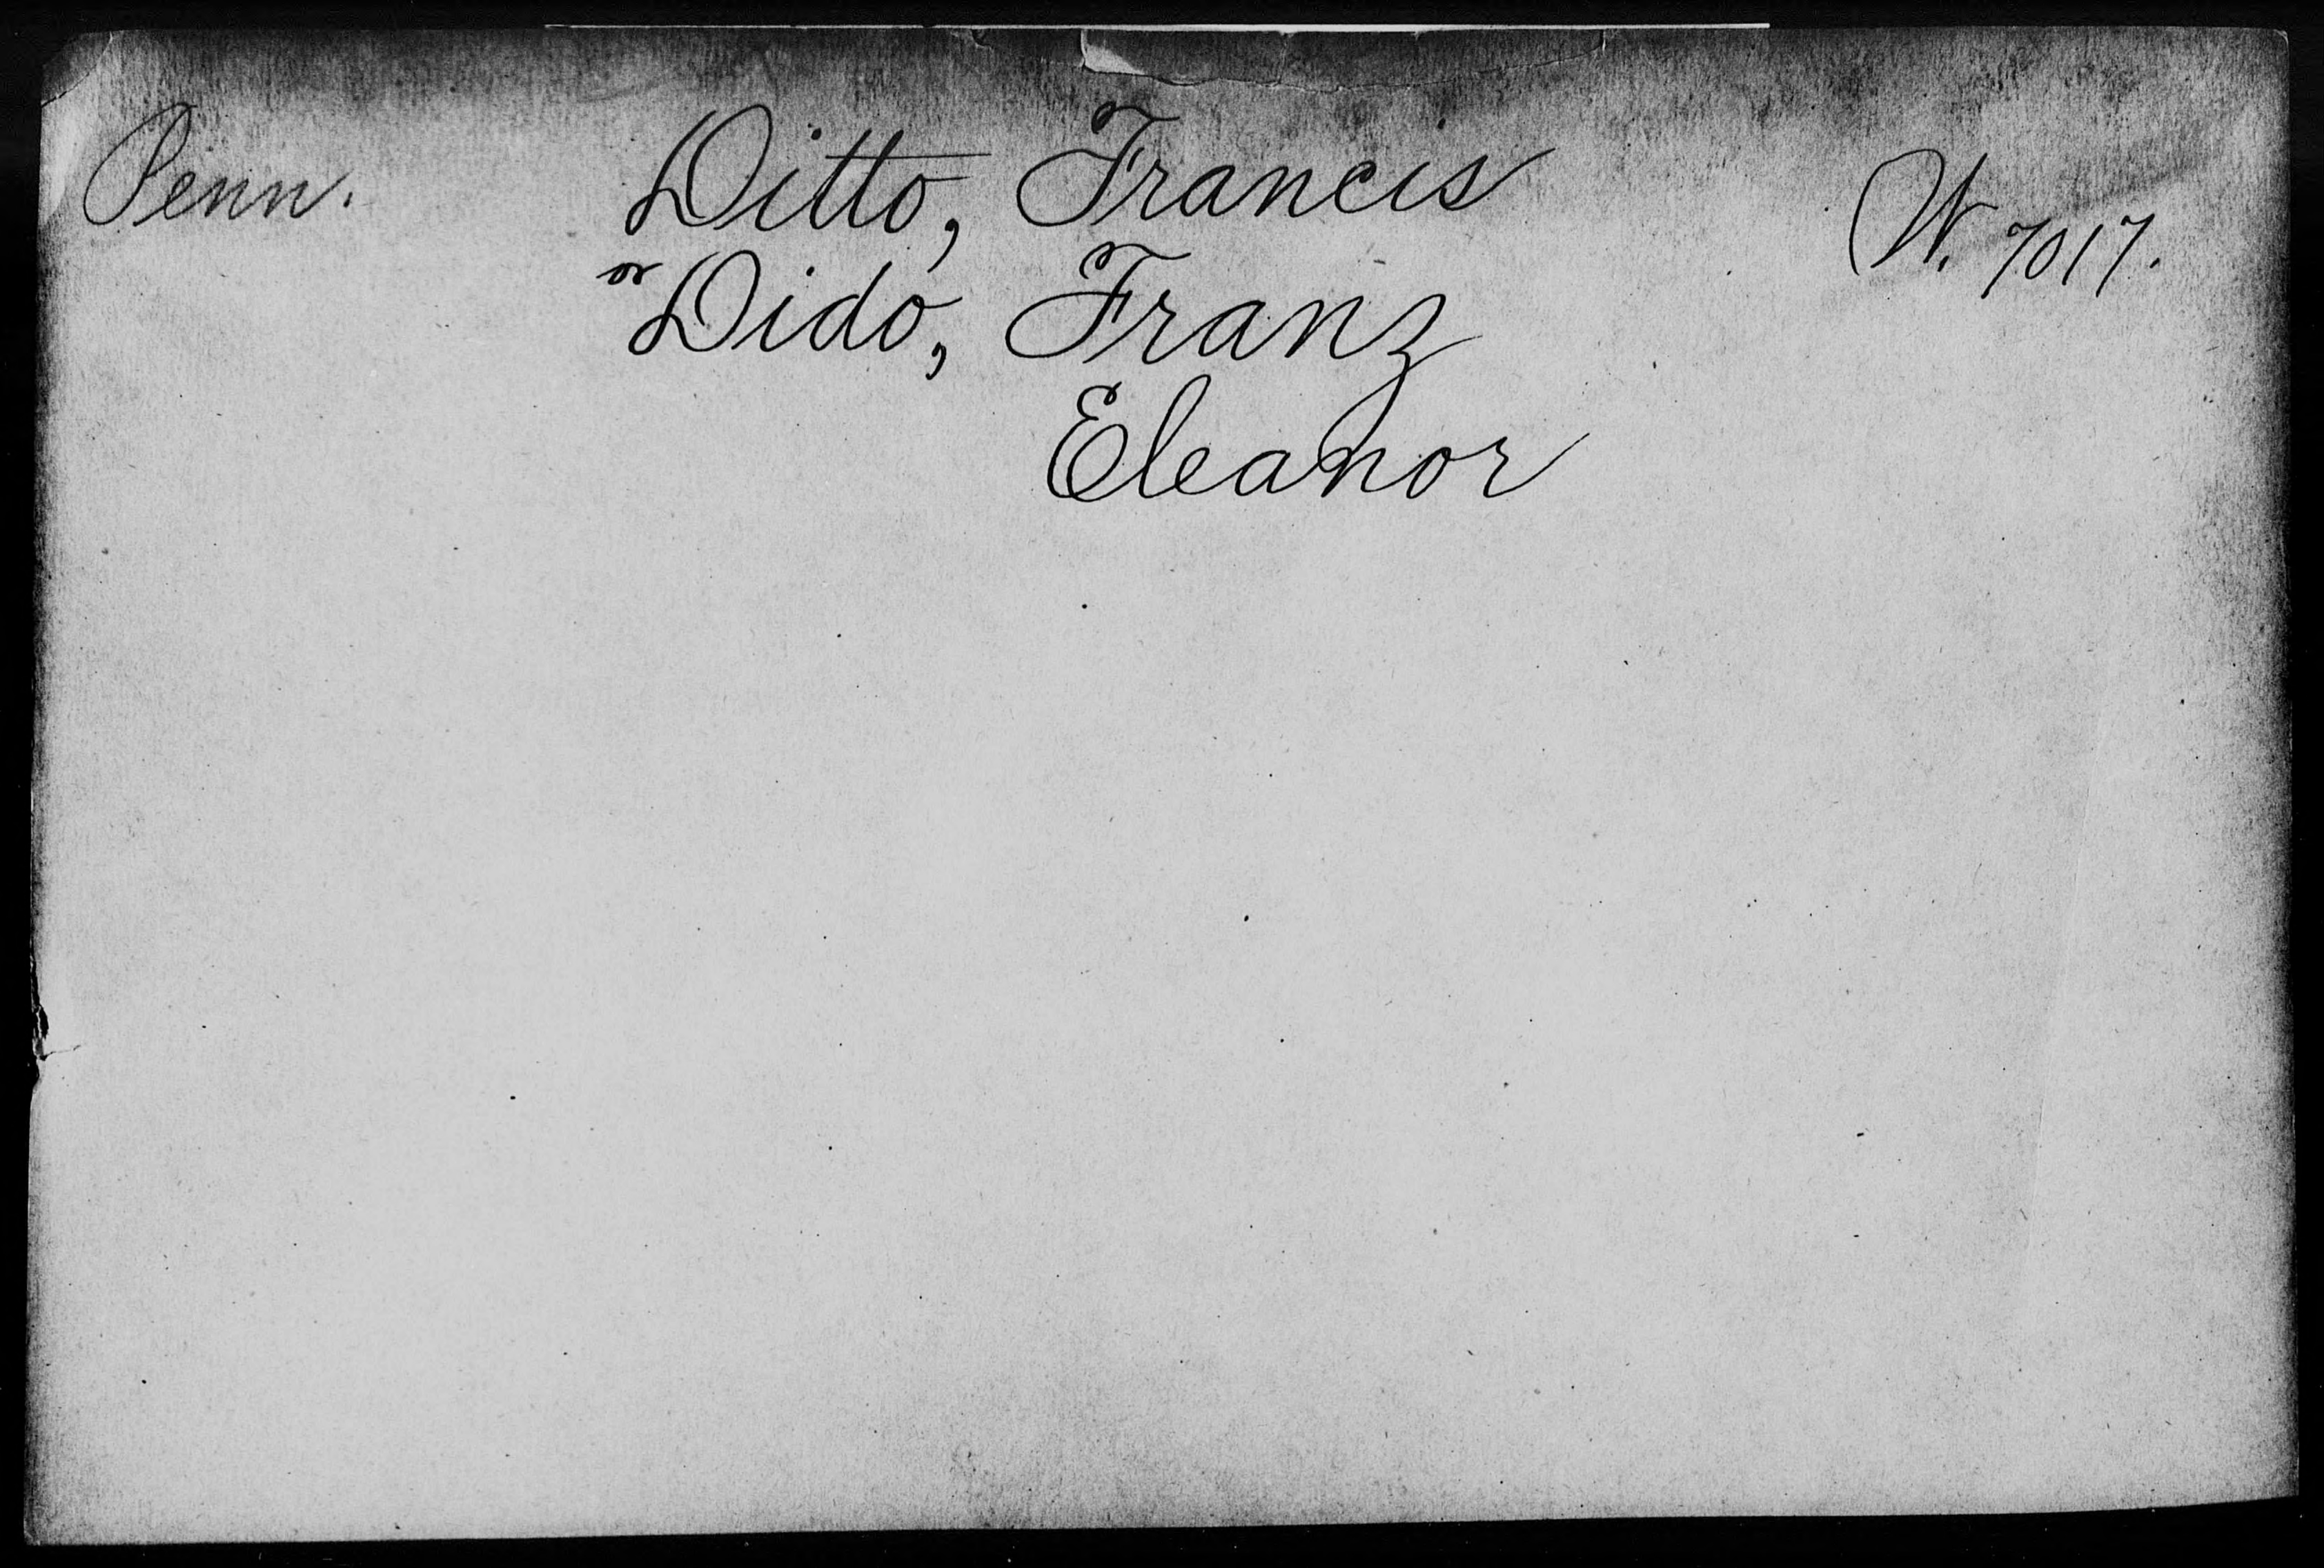Penn Ditto, , Francis  W 7017
Dido, Franz
          Eleanor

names: Francis Dido, Franz Ditto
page: 1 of 1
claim: widow's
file: W. 7017, Francis Ditto, Penn.